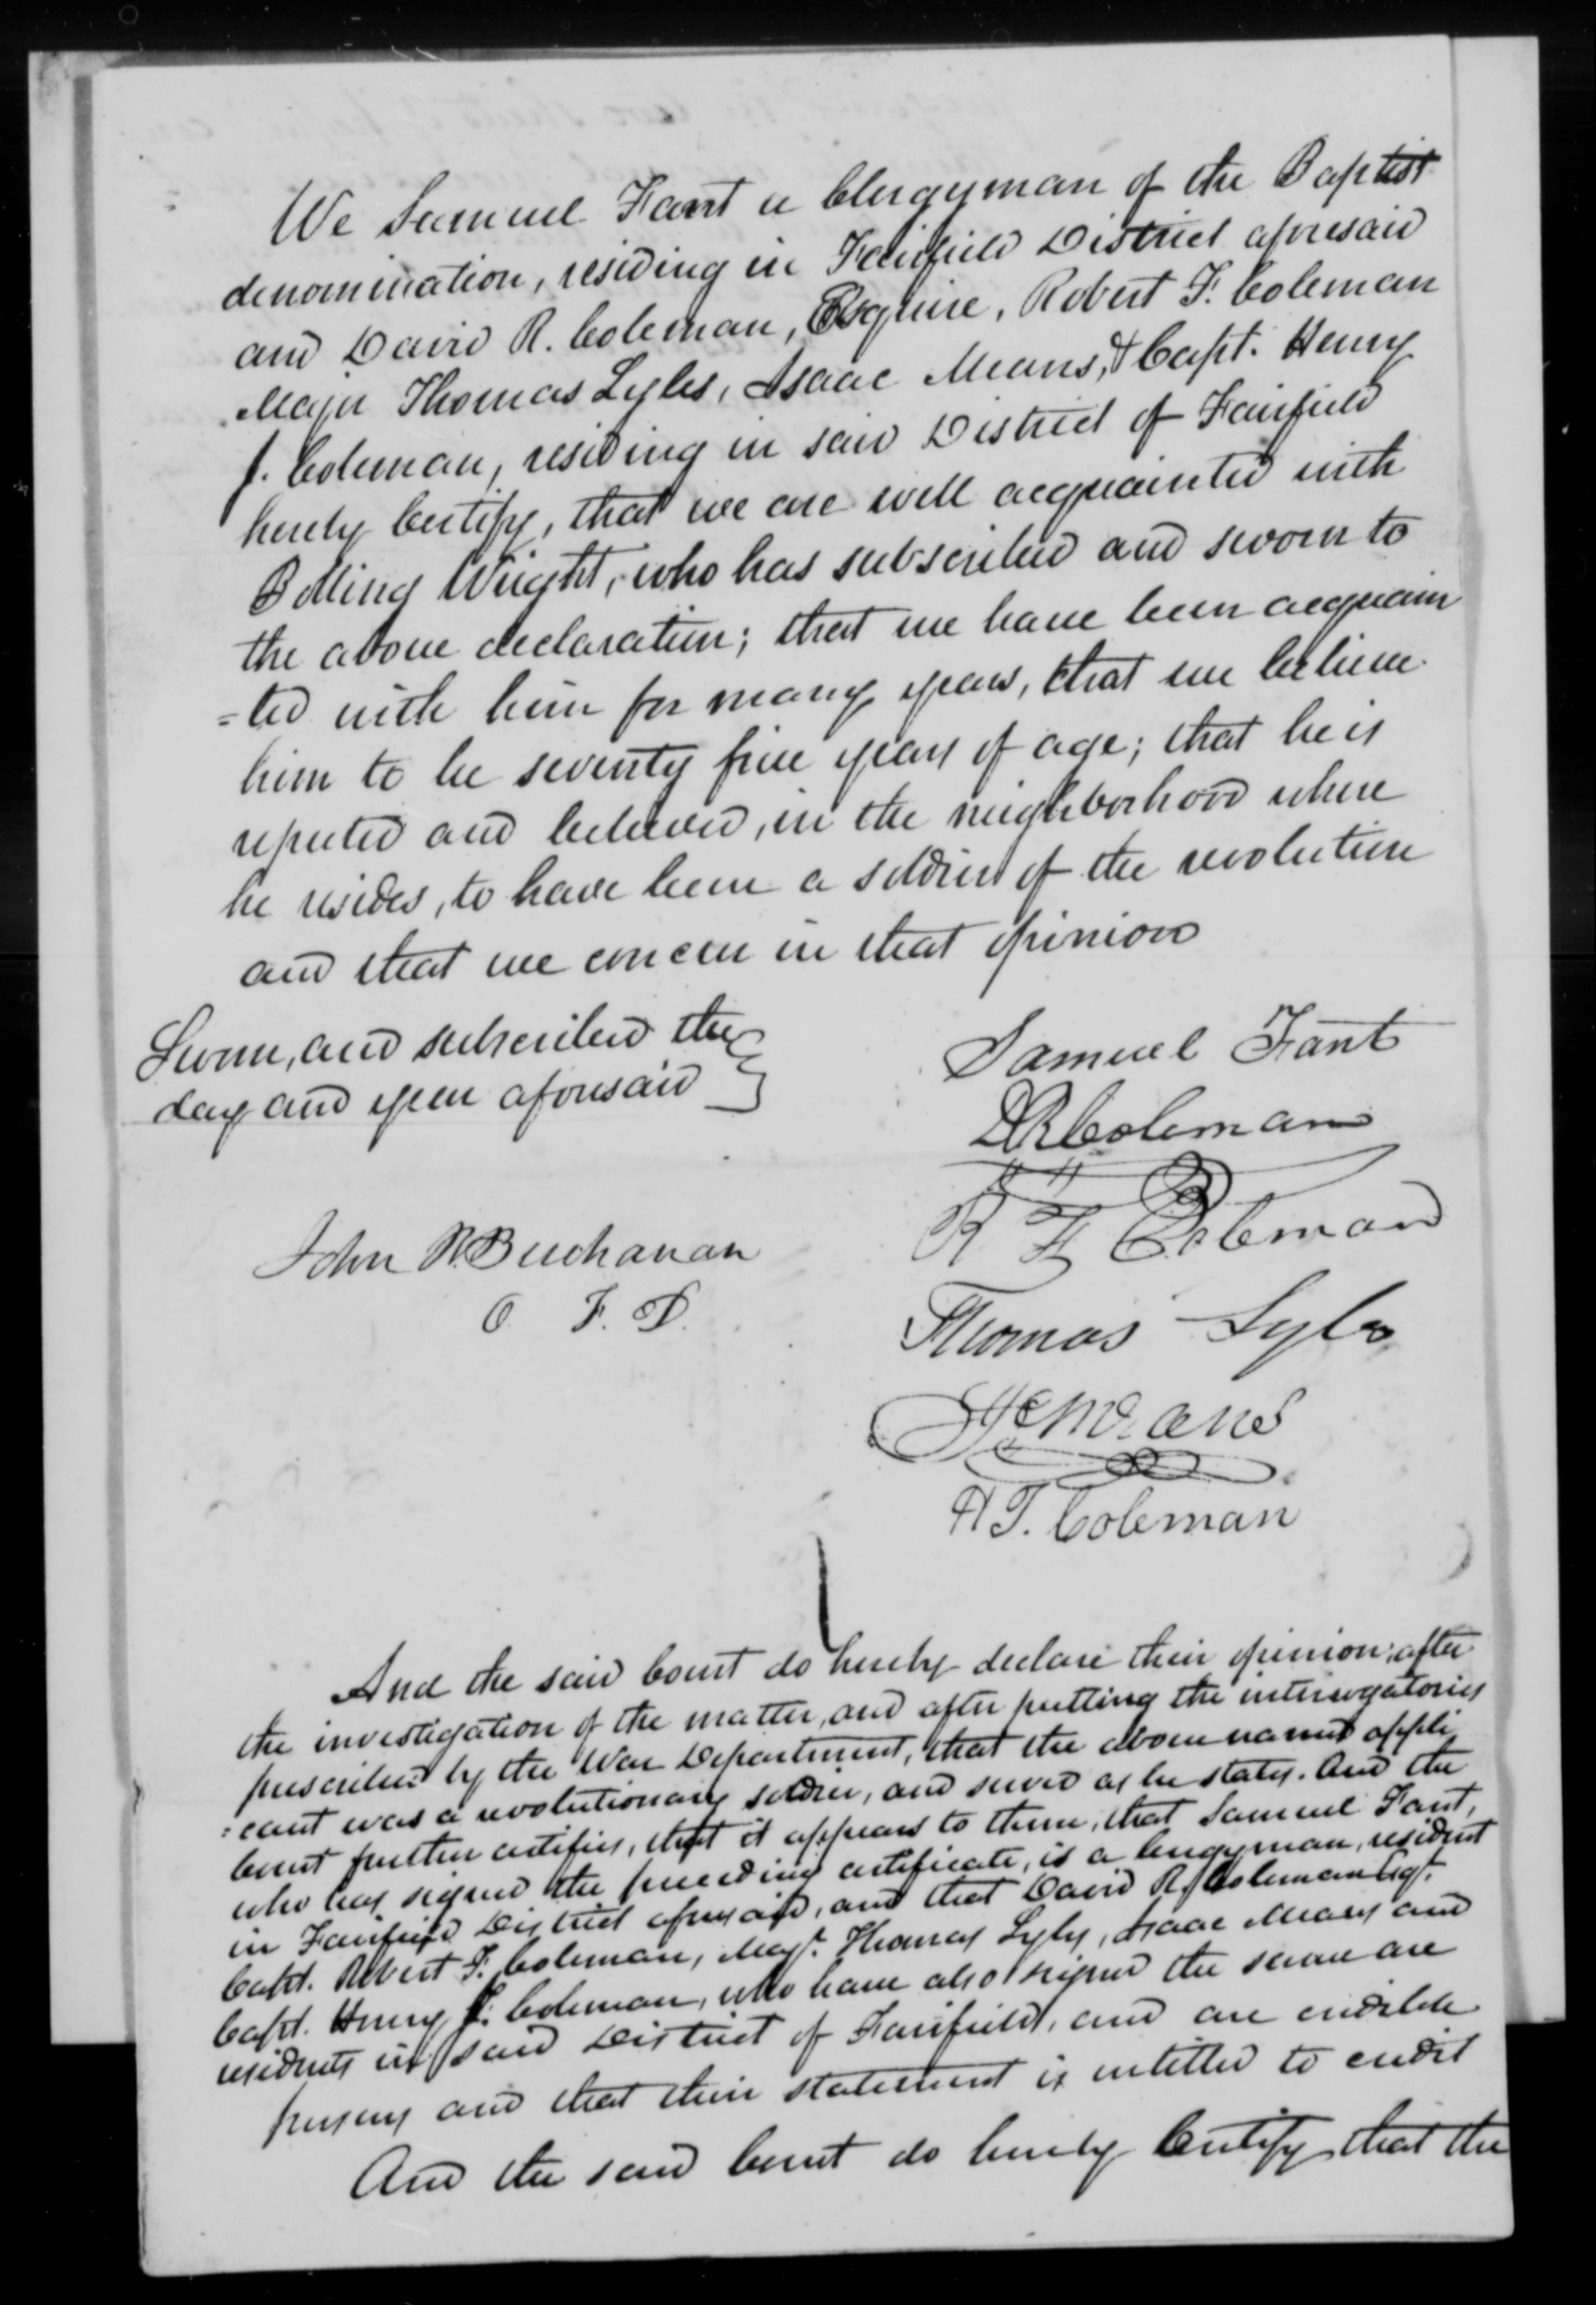We Samuel Fant a Clergyman of the Baptist denomination, residing in Fairfield District aforesaid and David R. Coleman, Esquire, Robert F. Coleman Major Thomas Lyles, Isaac Means, & Capt. Henry J. Coleman, residing in said District of Fairfield hereby certify, that we are well acquainted with Bolling Wright, who has subscribed and sworn to the above declaration; that we have been acquainted with him for many years, that we believe him to be seventy five years of age; that he is reputed and believed, in the neighborhood where he resides, to have been a soldier of the revolution and that we concur in that opinion
Sworn, and subscribed the} Samuel Fant
day and year aforesaid} D R Coleman
John R. Buchanan} R F Coleman
O. F. D.} Thomas Lyles
I Means
H T. Coleman

And the said Court do hereby declare their opinion, after the investigation of the matter, and after putting the interrogatories prescribed by the War Department, that the above named applicant was a revolutionary soldier, and served as he states. And the Court further certifies, that it appears to them, that Samuel Fant, who has signed the preceding certificate, is a Clergyman, resident in Fairfield District aforesaid, and that David R. Coleman Esqr. Capt. Robert F. Coleman, Majr. Thomas Lyles, Isaac Means and Capt. Henry J. Coleman, who have also signed the same are residents in said District of Fairfield, and are credible persons and that their statement is entitled to credit
And the said Court do hereby Certify that the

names: Samuel Fant, Henry J Coleman, Thomas Lyles, Robert F Coleman, David R Coleman, John R Buchanan, Isaac Means, Bolling Wright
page: 17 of 81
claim: widow's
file: W. 5183, Bolling Wright, Va.